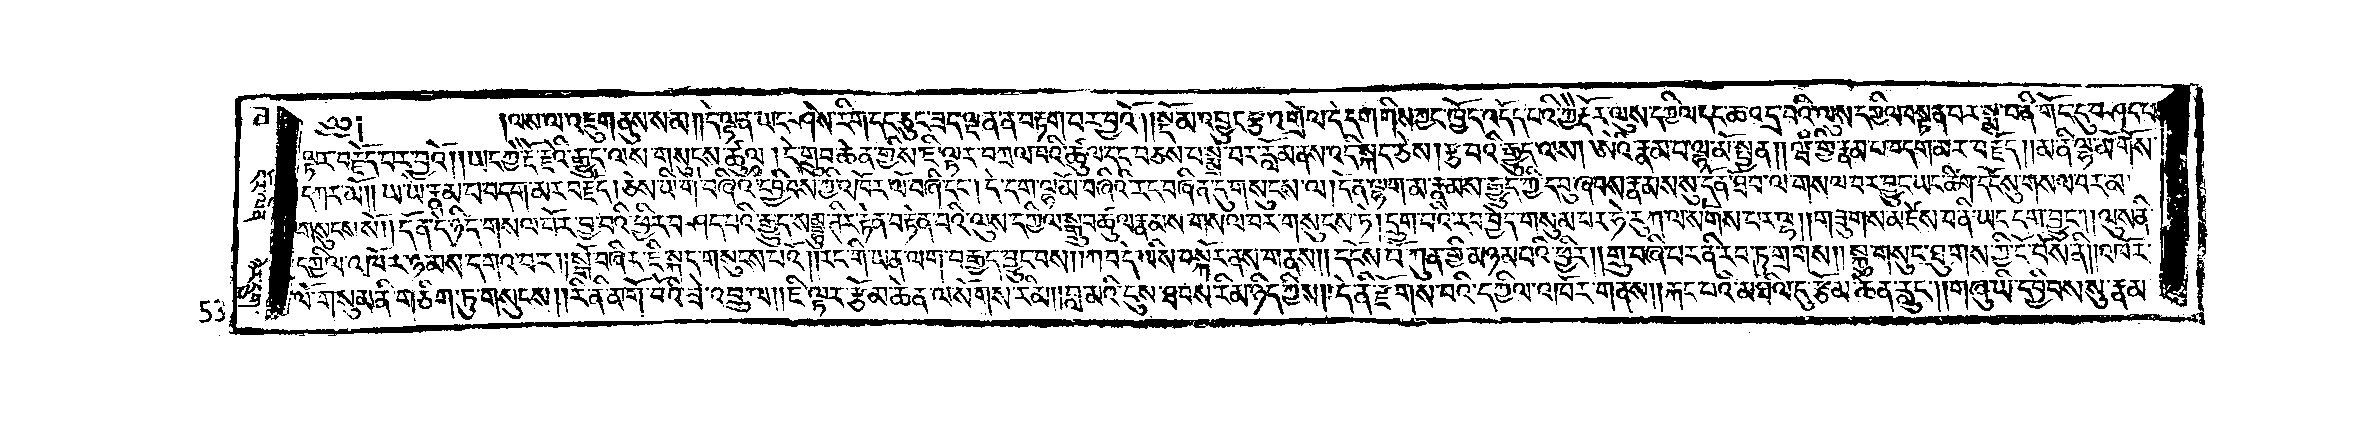༄༅། །ལས་ལ་འཇུག་ནུས་སམ། །དེ་ལྟ་ན་ཡང་ཤེས་རིག་དང་ཅུང་ཟད་ལྡན་ན་བརྟག་པར་བྱའོ། །སྡོམ་འབྱུང་རྩ་འགྲེལ་དེ་དག་གིས་ཀྱང་ཁྱོད་འདོད་པའི་ཀྱཻ་རྡོར་ལུས་དཀྱིལ་དང་ཆ་འདྲ་བའི་ལུས་དཀྱིལ་བསྟན་པར་སྨྲ་བ་ནི་གོང་དུ་བཤད་པ་
ལྟར་བརྗོད་པར་བྱའོ། །ཡང་ཀྱཻ་རྡོ་རྗེའི་རྒྱུད་ལས་གསུངས་ཚུལ། དེ་གྲུབ་ཆེན་གྱིས་ཇི་ལྟར་བཀྲལ་བའི་ཚུལ་དང་བཅས་པ་སྨྲ་བར་རློམ་ནས་འདི་སྐད་ཅེས། རྩ་བའི་རྒྱུད་ལས། ཨེའི་རྣམ་པ་ལྷ་མོ་སྤྱན། །ཝཾ་གྱི་རྣམ་པ་བདག་མར་བརྗོད། །མ་ནི་ལྷ་མོ་གོས་
དཀར་མོ། །ཡ་ཡེ་རྣམ་པ་བདག་མར་བརྗོད། ཅེས་ཡི་གེ་བཞིའི་དབྱིབས་ཀྱི་འཁོར་ལོ་བཞི་དང་། དེ་དག་ལྷ་མོ་བཞིའི་རང་བཞིན་དུ་གསུངས་ལ། དོན་ལྷག་མ་རྣམས་རྒྱུད་ཀྱི་དབུ་ཞབས་རྣམས་སུ་དོན་ཐོབ་ལ་གསལ་བར་བྱུང་ཡང་ཚིག་དངོས་སུ་གསལ་བར་མ་
གསུངས་སོ། །དོན་དེ་ཉིད་གསལ་པོར་བྱ་བའི་ཕྱིར་བཤད་པའི་རྒྱུད་སམྦྷུ་ཊིར་རྟེན་བརྟེན་པའི་ལུས་དཀྱིལ་སྒྲུབ་ཚུལ་རྣམས་གསལ་བར་གསུངས་ཏེ། དྲུག་པའི་རབ་བྱེད་གསུམ་པར་ཧེ་རུ་ཀ་ལ་སོགས་པར་ལྷ། །གཟུགས་མཛེས་པ་ནི་ཡང་དག་བྱུང་། །ལུས་ནི་
དཀྱིལ་འཁོར་ཉམས་དགའ་བར། །སྒོ་བཞིར་ཇི་སྐད་གསུངས་པའོ། །རང་གི་ཡན་ལག་བརྒྱད་བྱུང་བས། །ཀ་བ་དེ་ཡིས་བསྐོར་ནས་གནས། །དངོས་པོ་ཀུན་གྱི་མཉམ་པའི་ཕྱིར། །གྲུ་བཞི་པར་ནི་རབ་ཏུ་གྲགས། །སྐུ་གསུང་ཐུགས་ཀྱི་ངོ་བོས་ནི། །འཁོར་
ལོ་གསུམ་ནི་གཅིག་ཏུ་གསུངས། །རི་ནི་མགོ་བོའི་ཟེ་འབྲུ་ལ། །ཇི་ལྟར་རྩོམ་ཆེན་ལ་སོགས་རིམ། །བླ་མའི་དུས་ཐབས་རིམ་ཉིད་ཀྱིས། །དེ་ནི་རྫོགས་པའི་དཀྱིལ་འཁོར་གནས། །རྐང་པའི་མཐིལ་དུ་རྩོམ་ཆེན་རླུང་། །གཞུ་ཡི་དབྱིབས་སུ་རྣམ་